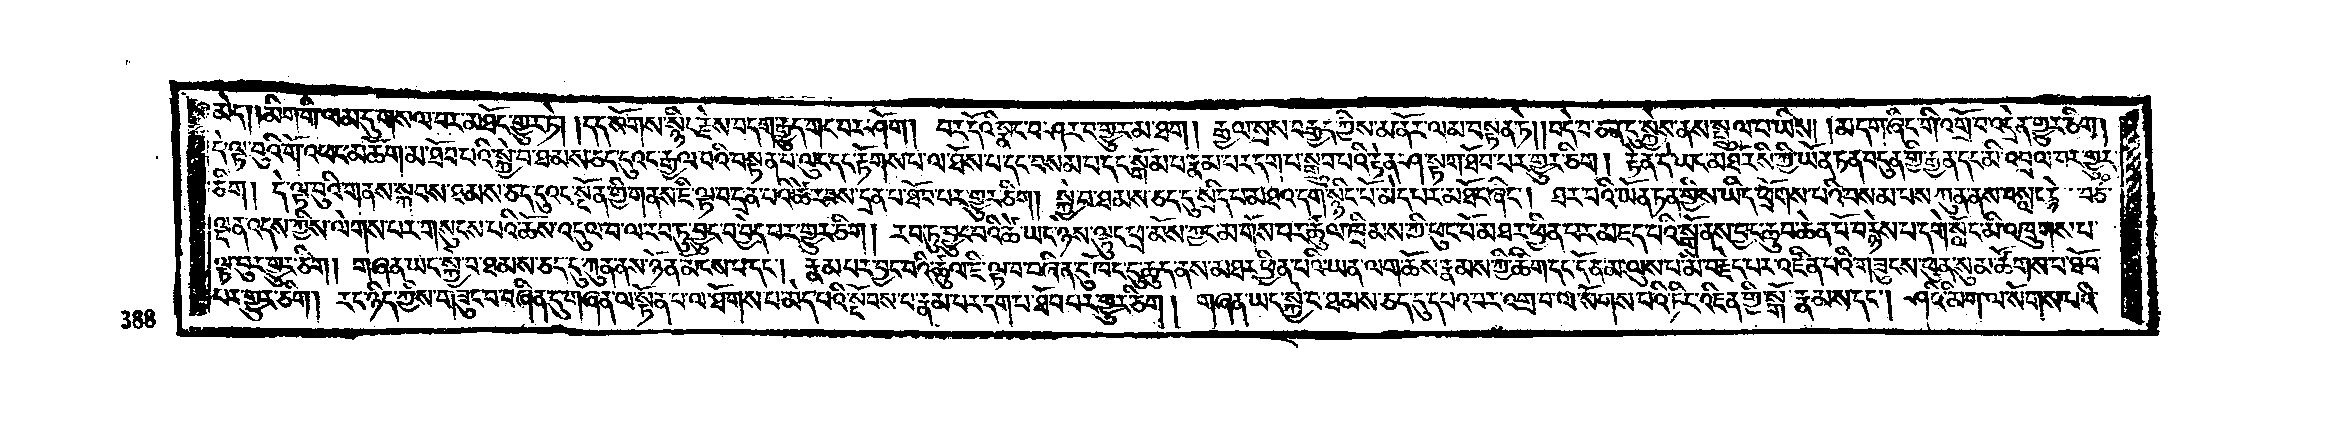མེད། །མིག་གི་ལམ་དུ་གསལ་བར་མཐོང་གྱུར་ཏེ། །དད་སོགས་སྙིང་རྗེས་བདག་རྒྱུད་གང་བར་ཤོག །བར་དོའི་སྣང་བ་ཤར་བ་གྱུར་མ་ཐག །རྒྱལ་སྲས་བརྒྱད་ཀྱིས་མ་ནོར་ལམ་བསྟན་ཏེ། །བདེ་བ་ཅན་དུ་སྐྱེས་ནས་སྤྲུལ་པ་ཡིས། །མ་དག་ཞིང་གི་འགྲོ་བ་འདྲེན་གྱུར་ཅིག །
དེ་ལྟ་བུའི་གོ་འཕང་མཆོག་མ་ཐོབ་པའི་སྐྱེ་བ་ཐམས་ཅད་དུའང་རྒྱལ་བའི་བསྟན་པ་ལུང་དང་རྟོགས་པ་ལ་ཐོས་པ་དང་བསམ་པ་དང་སྒོམ་པ་རྣམ་པར་དག་པ་སྒྲུབ་པའི་རྟེན་ཤ་སྟག་ཐོབ་པར་གྱུར་ཅིག །རྟེན་དེ་ཡང་མཐོ་རིས་ཀྱི་ཡོན་ཏན་བདུན་གྱི་རྒྱན་དང་མི་འབྲལ་བར་གྱུར་
ཅིག །དེ་ལྟ་བུའི་གནས་སྐབས་ཐམས་ཅད་དུའང་སྔོན་གྱི་གནས་ཇི་ལྟ་བ་དྲན་པའི་ཚེ་རབས་དྲན་པ་ཐོབ་པར་གྱུར་ཅིག །སྐྱེ་བ་ཐམས་ཅད་དུ་སྲིད་པ་མཐའ་དག་སྙིང་པོ་མེད་པར་མཐོང་ཞིང་། ཐར་པའི་ཡོན་ཏན་གྱིས་ཡིད་ཕྲོགས་པའི་བསམ་པས་ཀུན་ནས་བསླངས་ཏེ་བཅོམ་
ལྡན་འདས་ཀྱིས་ལེགས་པར་གསུངས་པའི་ཆོས་འདུལ་བ་ལ་རབ་ཏུ་བྱུང་བ་བྱེད་པར་གྱུར་ཅིག །རབ་ཏུ་བྱུང་བའི་ཚེ་ཡང་ཉེས་ལྟུང་ཕྲ་མོས་ཀྱང་མ་གོས་པར་ཚུལ་ཁྲིམས་ཀྱི་ཕུང་པོ་མཐར་ཕྱིན་པར་མཛད་པའི་སྒོ་ནས་བྱང་ཆུབ་ཆེན་པོ་བརྙེས་པ་དགེ་སློང་མི་འཁྲུགས་པ་
ལྟ་བུར་གྱུར་ཅིག །གཞན་ཡང་སྐྱེ་བ་ཐམས་ཅད་དུ་ཀུན་ནས་ཉོན་མོངས་པ་དང་། རྣམ་པར་བྱང་བའི་ཚུལ་ཇི་ལྟ་བ་བཞིན་དུ་ཁོང་དུ་ཆུད་ནས་མཐར་ཕྱིན་པའི་ཡན་ལག་ཆོས་རྣམས་ཀྱི་ཚིག་དང་དོན་མ་ལུས་པ་མི་བརྗེད་པར་འཛིན་པའི་གཟུངས་ཕུན་སུམ་ཚོགས་པ་ཐོབ་
པར་འགྱུར་ཅིག །རང་ཉིད་ཀྱིས་གཟུང་བ་བཞིན་དུ་གཞན་ལ་སྟེན་པ་ལ་ཐོགས་པ་མེད་པའི་སྡོབས་པ་རྣམ་པར་དག་པ་ཐོབ་པར་གྱུར་ཅིག །གཞན་ཡང་སྐྱེ་བ་ཐམས་ཅད་དུ་དཔའ་བར་འགྲོ་བ་ལ་སོགས་པའི་ཏིང་འཛིན་གྱི་སྒོ་རྣམས་དང་། ཤའི་མིག་ལ་སོགས་པའ་